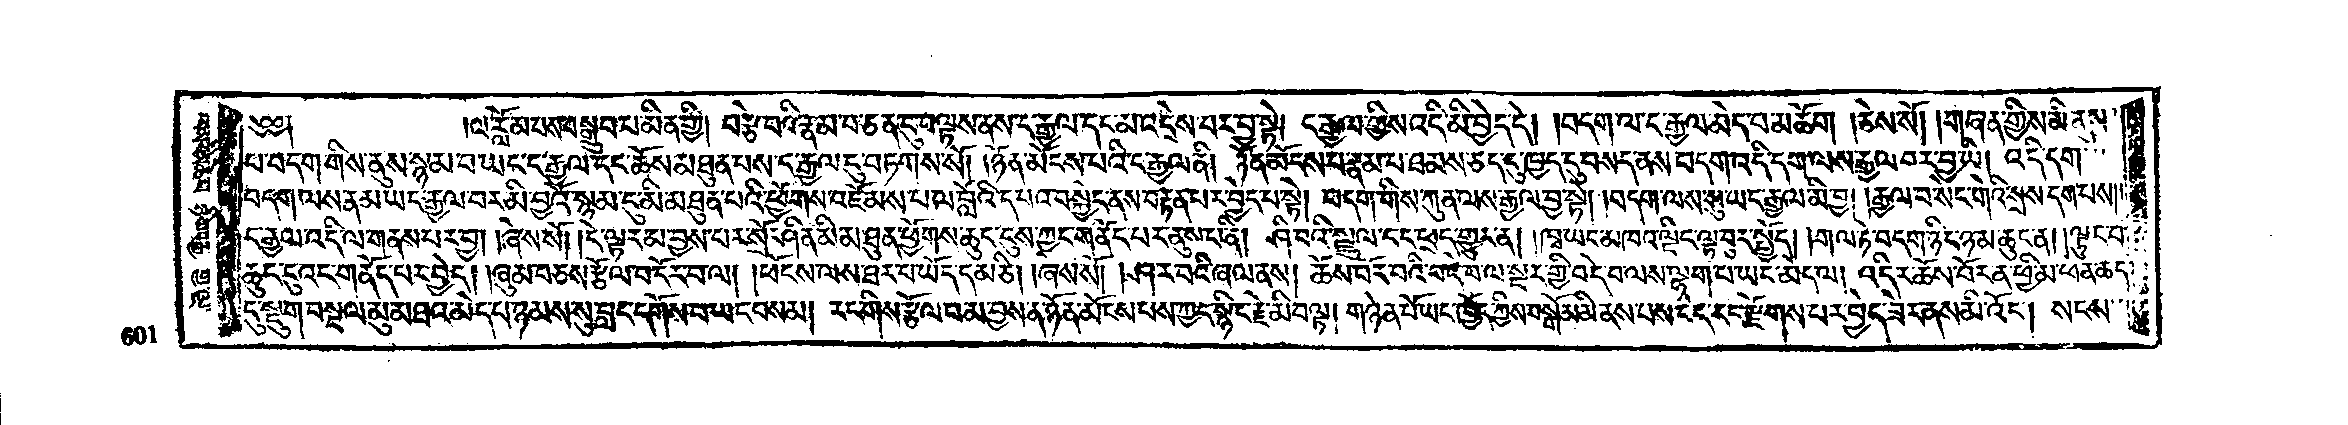༄༅། །ལ་རློམ་པས་བསྒྲུབ་པ་མིན་གྱི། བརྩེ་བའི་རྣམ་པ་ཅན་དུ་བལྟས་ནས་ང་རྒྱལ་དང་མ་འདྲེས་པར་བྱ་སྟེ། ང་རྒྱལ་གྱིས་འདི་མི་བྱེད་དེ། །བདག་ལ་ང་རྒྱལ་མེད་པ་མཆོག །ཅེས་སོ། །གཞན་གྱིས་མི་ནུས་
པ་བདག་གིས་ནུས་སྙམ་པ་ཡང་ང་རྒྱལ་དང་ཆོས་མཐུན་པས་ང་རྒྱལ་དུ་བཏགས་སོ། །ཉོན་མོངས་པའི་ང་རྒྱལ་ནི། ཉོན་མོངས་པ་རྣམ་པ་ཐམས་ཅད་དུ་ཁྱད་དུ་བསད་ནས་བདག་འདི་དག་ལས་རྒྱལ་བར་བྱ་ཡི། འདི་དག་
བདག་ལས་ནམ་ཡང་རྒྱལ་བར་མི་བྱའོ་སྙམ་དུ་མི་མཐུན་པའི་ཕྱོགས་འཇོམས་པ་ལ་བློའི་དཔའ་བསྐྱེད་ནས་བརྟན་པར་བྱེད་པ་སྟེ། བདག་གིས་ཀུན་ལས་རྒྱལ་བྱ་སྟེ། །བདག་ལས་སུ་ཡང་རྒྱལ་མི་བྱ། །རྒྱལ་བ་སེང་གེའི་སྲས་དག་པས། །
ང་རྒྱལ་འདི་ལ་གནས་པར་བྱ། །ཞེས་སོ། །དེ་ལྟར་མ་བྱས་པར་སྲོ་ཤི་ན་མི་མཐུན་ཕྱོགས་ཆུང་ངུས་ཀྱང་གནོད་པར་ནུས་པ་ནི། ཤི་བའི་སྦྲུལ་དང་ཕྲད་གྱུར་ན། །ཁ་ཡང་མཁའ་ལྡིང་ལྟ་བུར་སྤྱོད། །གལ་ཏེ་བདག་ཉིད་ཉམ་ཆུང་ན། །ལྟུང་བ་
ཆུང་ངུའང་གནོད་པར་བྱེད། །ཞུམ་བཅས་རྩོལ་ལ་བ་དོར་བ་ལ། །ཕོངས་ལས་ཐར་བ་ཡོད་དམ་ཅི། །ཞེས་སོ། །ཤ་ར་བའི་ཞལ་ནས། ཆོས་བོར་བའི་བདེ་བ་ལ་སྔར་གྱི་བདེ་བ་ལས་ལྷག་པ་ཡང་མེད་ལ། འདིར་ཆོས་བོར་ན་ཕྱི་མ་ཕན་ཆད་
དུ་སྡུག་བསྔལ་མུ་མཐའ་མེད་པ་ཉམས་སུ་བླང་དགོས་པ་ཡང་བསམ། རང་གིས་རྩོལ་བ་མ་བྱས་ན་ཉོན་མོངས་པས་ཀྱང་སྙིང་རྗེ་མི་བལྟ། གཉེན་པོ་ཡང་ཁྱོད་ཀྱིས་བསྒོམ་མི་ནུས་པས་ངེད་རང་རྫོགས་པར་བྱེད་ཟེར་ནས་མི་འོང་། སངས་